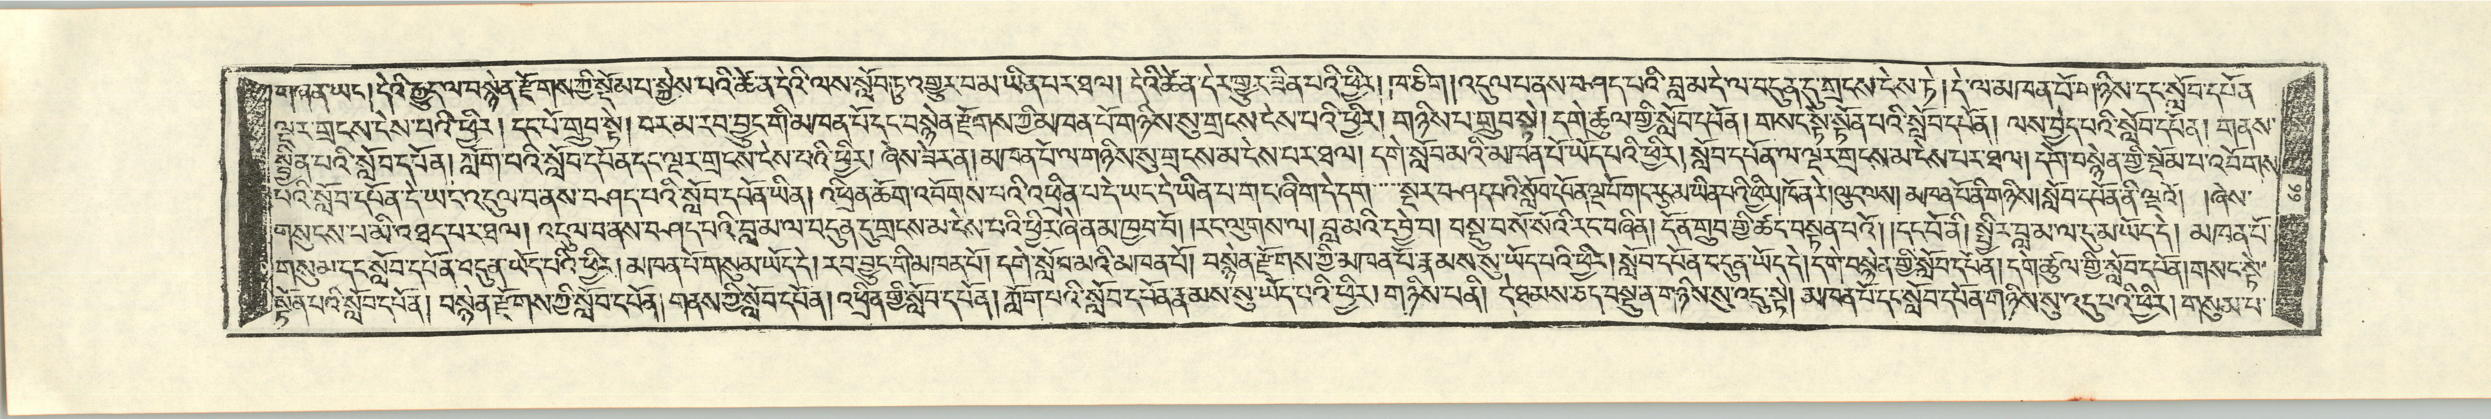གཞན་ཡང་། དེའི་རྒྱུད་ལ་བསྙེན་རྫོགས་ཀྱི་སྡོམ་པ་སྐྱེས་པའི་ཚེ་ན་དེའི་ལས་སློབ་ཏུ་འགྱུར་བ་མ་ཡིན་པར་ཐལ། དེའི་ཚེ་ན་དེར་གྱུར་ཟིན་པའི་ཕྱིར། ཁ་ཅིག །འདུལ་པ་ནས་བཤད་པའི་བླ་མ་དེ་ལ་བདུན་དུ་གྲངས་ངེས་ཏེ། དེ་ལ་མཁན་པོ་གཉིས་དང་སློབ་དཔོན་
ལྔར་གྲངས་ངེས་པའི་ཕྱིར། དང་པོ་གྲུབ་སྟེ། བར་མ་རབ་བྱུང་གི་མཁན་པོ་དང་བསྙེན་རྫོགས་ཀྱི་མཁན་པོ་གཉིས་སུ་གྲངས་ངེས་པའི་ཕྱིར། གཉིས་པ་གྲུབ་སྟེ། དགེ་ཚུལ་གྱི་སློབ་དཔོན། གསང་སྟེ་སྟོན་པའི་སློབ་དཔོན། ལས་བྱེད་པའི་སློབ་དཔོན། གནས་
སྦྱིན་པའི་སློབ་དཔོན། ཀློག་པའི་སློབ་དཔོན་དང་ལྔར་གྲངས་ངེས་པའི་ཕྱིར། ཞེས་ཟེར་ན། མཁན་པོ་ལ་གཉིས་སུ་གྲངས་མ་ངེས་པར་ཐལ། དགེ་སློབ་མའི་མཁན་པོ་ཡོད་པའི་ཕྱིར། སློབ་དཔོན་ལ་ལྔར་གྲངས་མ་ངེས་པར་ཐལ། དགེ་བསྙེན་གྱི་སྡོམ་པ་འབོགས་
པའི་སློབ་དཔོན་དེ་ཡང་འདུལ་བ་ནས་བཤད་པའི་སློབ་དཔོན་ཡིན། འཕྲིན་ཆོག་འབོགས་པའི་འཕྲིན་པ་དེ་ཡང་དེ་ཡིན་པ་གང་ཞིག་དེ་དག་སྔར་བཤད་པའི་སློབ་དཔོན་ལྔ་པོ་གང་རུང་མ་ཡིན་པའི་ཕྱིར། ཁོ་ན་རེ། ལུང་ལས། མཁན་པོ་ནི་གཉིས། སློབ་དཔོན་ནི་ལྔའོ། །ཞེས་
གསུངས་པ་མི་འཐད་པར་ཐལ། འདུལ་བ་ནས་བཤད་པའི་བླ་མ་ལ་བདུན་དུ་གྲངས་མ་ངེས་པའི་ཕྱིར་ཞེ་ན་མ་ཁྱབ་བོ། །རང་ལུགས་ལ། བླ་མའི་དབྱེ་བ། བསྡུ་བ་སོ་སོའི་རང་བཞིན། དོན་གྲུབ་གྱི་ཚད་བསྟན་པའོ། །དང་པོ་ནི། སྤྱིར་བླ་མ་ལ་དུ་མ་ཡོད་དེ། མཁན་པོ་
གསུམ་དང་སློབ་དཔོན་བདུན་ཡོད་པའི་ཕྱིར། མཁན་པོ་གསུམ་ཡོད་དེ། རབ་བྱུང་གི་མཁན་པོ། དགེ་སློབ་མའི་མཁན་པོ། བསྙེན་རྫོགས་ཀྱི་མཁན་པོ་རྣམས་སུ་ཡོད་པའི་ཕྱིར། སློབ་དཔོན་བདུན་ཡོད་དེ། དགེ་བསྙེན་གྱི་སློབ་དཔོན། དགེ་ཚུལ་གྱི་སློབ་དཔོན། གསང་སྟེ་
སྟོན་པའི་སློབ་དཔོན། བསྙེན་རྫོགས་ཀྱི་སློབ་དཔོན། གནས་ཀྱི་སློབ་དཔོན། འཕྲིན་གྱི་སློབ་དཔོན། ཀློག་པའི་སློབ་དཔོན་རྣམས་སུ་ཡོད་པའི་ཕྱིར། གཉིས་པ་ནི། དེ་ཐམས་ཅད་བསྡུ་ན་གཉིས་སུ་འདུ་སྟེ། མཁན་པོ་དང་སློབ་དཔོན་གཉིས་སུ་འདུ་པའི་ཕྱིར། གསུམ་པ་